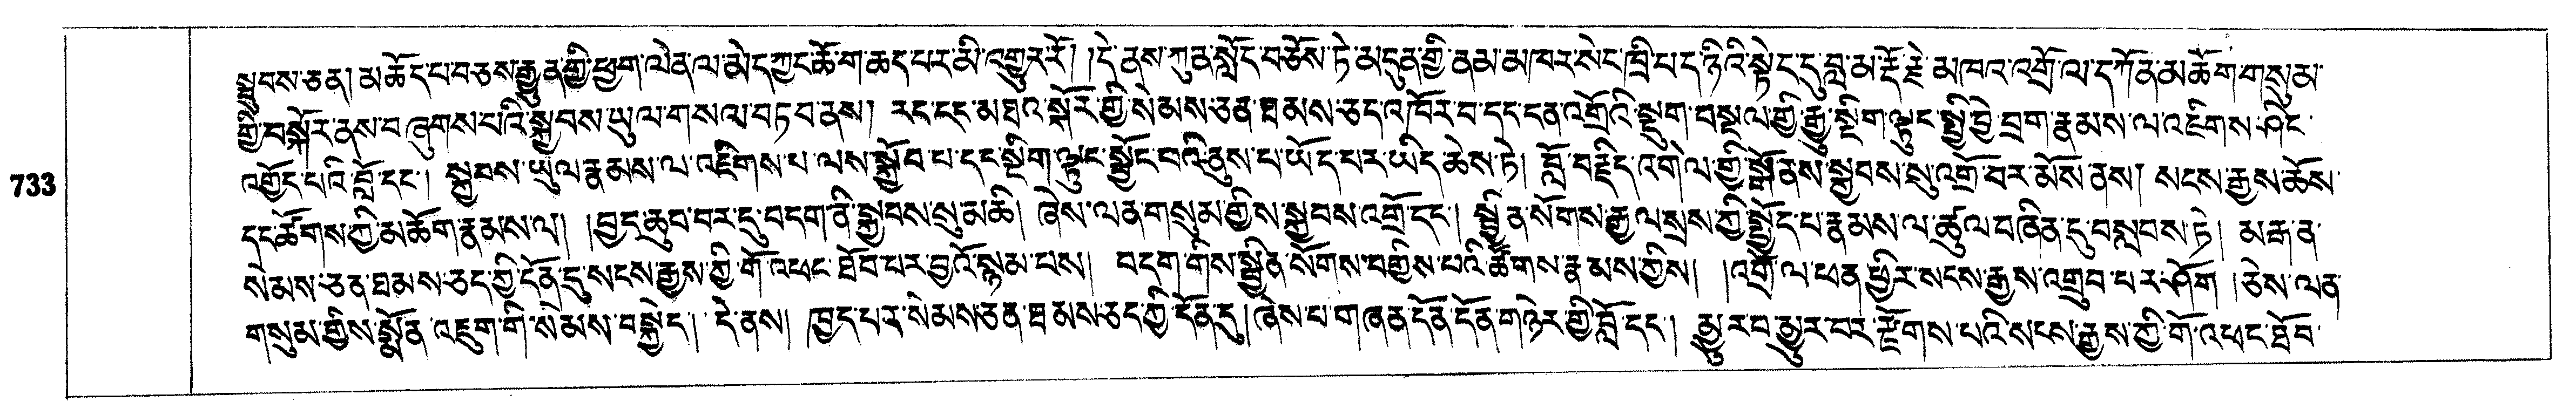སྦུབས་ཅན། མཆོད་པ་བཅས་རྒྱུན་གྱི་ཕྱག་ལེན་ལ་མེད་ཀྱང་ཆོ་ག་ཆད་པར་མི་འགྱུར་རོ། །དེ་ནས་ཀུན་སློང་བཅོས་ཏེ་མདུན་གྱི་ནམ་མཁར་སེང་ཁྲི་པད་ཉིའི་སྟེང་དུ་བླ་མ་རྡོ་རྗེ་མཁའ་འགྲོ་ལ་དཀོན་མཆོག་གསུམ་
གྱི་བསྐོར་ནས་བཞུགས་པའི་སྐྱབས་ཡུལ་གསལ་བཏབ་ནས། རང་དང་མཐའ་སྐོར་གྱི་སེམས་ཅན་ཐམས་ཅད་འཁོར་བ་དང་ངན་འགྲོའི་སྡུག་བསྔལ་གྱི་རྒྱུ་སྡིག་ལྟུང་སྤྱི་བྱེ་བྲག་རྣམས་ལ་འཇིགས་ཤིང་
འགྱོད་པའི་བློ་དང་། སྐྱབས་ཡུལ་རྣམས་ལ་འཇིགས་པ་ལས་སྐྱོབ་པ་དང་སྡིག་ལྟུང་སྦྱོང་བའི་ནུས་པ་ཡོད་པར་ཡིད་ཆེས་ཏེ། བློ་བརྗིད་འགེལ་གྱི་སྒོ་ནས་སྐྱབས་སུ་འགྲོ་བར་མོས་ནས། སངས་རྒྱས་ཆོས་
དང་ཚོགས་ཀྱི་མཆོག་རྣམས་ལ། །བྱང་ཆུབ་བར་དུ་བདག་ནི་སྐྱབས་སུ་མཆི། ཞེས་ལན་གསུམ་གྱིས་སྐྱབས་འགྲོ་དང་། སྦྱིན་སོགས་རྒྱལ་སྲས་ཀྱི་སྤྱོད་པ་རྣམས་ལ་ཚུལ་བཞིན་དུ་བསླབས་ཏེ། མྲྒ་ན་
སེམས་ཅན་ཐམས་ཅད་ཀྱི་དོན་དུ་སངས་རྒྱས་ཀྱི་གོ་འཕང་ཐོབ་པར་བྱའོ་སྙམ་པས། བདག་གིས་སྦྱིན་སོགས་བགྱིས་པའི་ཚོགས་རྣམས་ཀྱིས། །འགྲོ་ལ་ཕན་ཕྱིར་སངས་རྒྱས་འགྲུབ་པར་ཤོག །ཅེས་ལན་
གསུམ་གྱིས་སྨོན་འཇུག་གི་སེམས་བསྐྱེད། དེ་ནས། ཁྱད་པར་སེམས་ཅན་ཐམས་ཅད་ཀྱི་དོན་དུ། ཞེས་པ་གཞན་དོན་དོན་གཉེར་གྱི་བློ་དང་། མྱུར་བ་མྱུར་བར་རྫོགས་པའི་སངས་རྒྱས་ཀྱི་གོ་འཕང་ཐོབ་